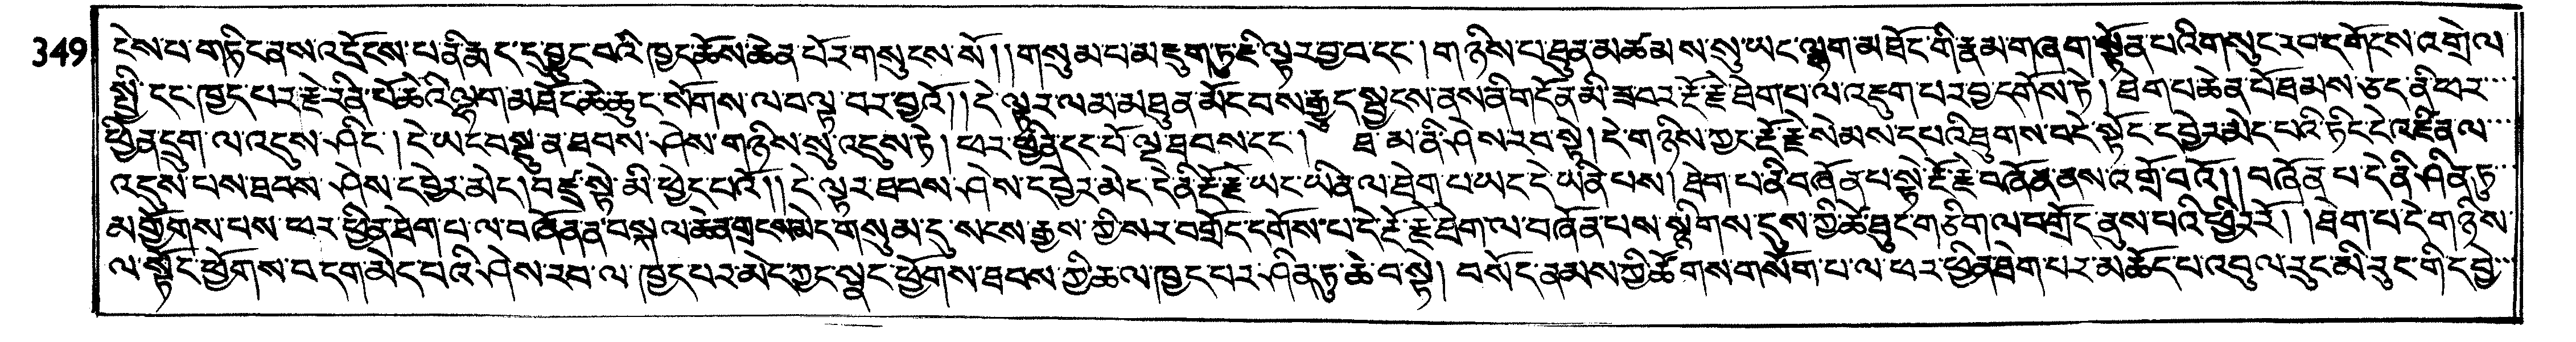ངེས་པ་གཏིང་ནས་འདྲོངས་པ་ནི་རྨད་དུ་བྱུང་བའི་ཁྱད་ཆོས་ཆེན་པོར་གསུངས་སོ། །གསུམ་པ་མཇུག་ཏུ་ཇི་ལྟར་བྱ་བ་དང་། གཉིས་པ་ཐུན་མཚམས་སུ་ཡང་ལྷག་མཐོང་གི་རྣམ་གཞག་སྟོན་པའི་གསུང་རབ་དགོངས་འགྲེལ་
སྤྱི་དང་ཁྱད་པར་རྗེ་རིན་པོ་ཆེའི་ལྷག་མཐོང་ཆེ་ཆུང་སོགས་ལ་བལྟ་བར་བྱའོ། །དེ་ལྟར་ལམ་མཐུན་མོང་བས་རྒྱུད་སྦྱངས་ནས་ནི་གདོན་མི་ཟ་བར་རྡོ་རྗེ་ཐེག་པ་ལ་འཇུག་པར་བྱ་དགོས་ཏེ། ཐེག་པ་ཆེན་པོ་ཐམས་ཅད་ནི་ཕར་
ཕྱིན་དྲུག་ལ་འདུས་ཤིང་། དེ་ཡང་བསྡུ་ན་ཐབས་ཤེས་གཉིས་སུ་འདུས་ཏེ། ཕར་ཕྱིན་དང་པོ་ལྔ་ཐབས་དང་། ཐ་མ་ནི་ཤེས་རབ་སྟེ། དེ་གཉིས་ཀྱང་རྡོ་རྗེ་སེམས་དཔའི་ཐུགས་བདེ་སྟོང་དབྱེར་མེད་པའི་ཏིང་ངེ་འཛིན་ལ་
འདུས་པས་ཐབས་ཤེས་དབྱེར་མེད། བྫྲ་སྟེ་མི་ཕྱེད་པའོ། །དེ་ལྟར་ཐབས་ཤེས་དབྱེར་མེད་དེ་ནི་རྡོ་རྗེ་ཡང་ཡིན་ལ་ཐེག་པ་ཡང་དེ་ཡིན་པས། ཐེག་པ་ནི་བཞོན་པ་སྟེ་རྡོ་རྗེ་བཞོན་ནས་འགྲོ་བའོ། །བཞོན་པ་དེ་ནི་ཤིན་ཏུ་
མགྱོགས་པས་ཕར་ཕྱིན་ཐེག་པ་ལ་བཞོན་ན་བསྐལ་ཆེན་གྲངས་མེད་གསུམ་དུ་སངས་རྒྱས་ཀྱི་སར་བགྲོད་དགོས་པ་དེ་རྡོ་རྗེ་ཐེག་ལ་བཞོན་པས་སྙིགས་དུས་ཀྱི་ཚེ་ཐུང་གཅིག་ལ་བགྲོད་ནུས་པའི་ཕྱིར་རོ། །ཐེག་པ་དེ་གཉིས་
ལ་སྟོང་ཕྱོགས་བདག་མེད་པའི་ཤེས་རབ་ལ་ཁྱད་པར་མེད་ཀྱང་སྣང་ཕྱོགས་ཐབས་ཀྱི་ཆ་ལ་ཁྱད་པར་ཤིན་ཏུ་ཆེ་བ་སྟེ། བསོད་ནམས་ཀྱི་ཚོགས་གསོག་པ་ལ་ཕར་ཕྱིན་ཐེག་པར་མཆོད་པ་འབུལ་རུང་མི་རུང་གི་དབྱེ་